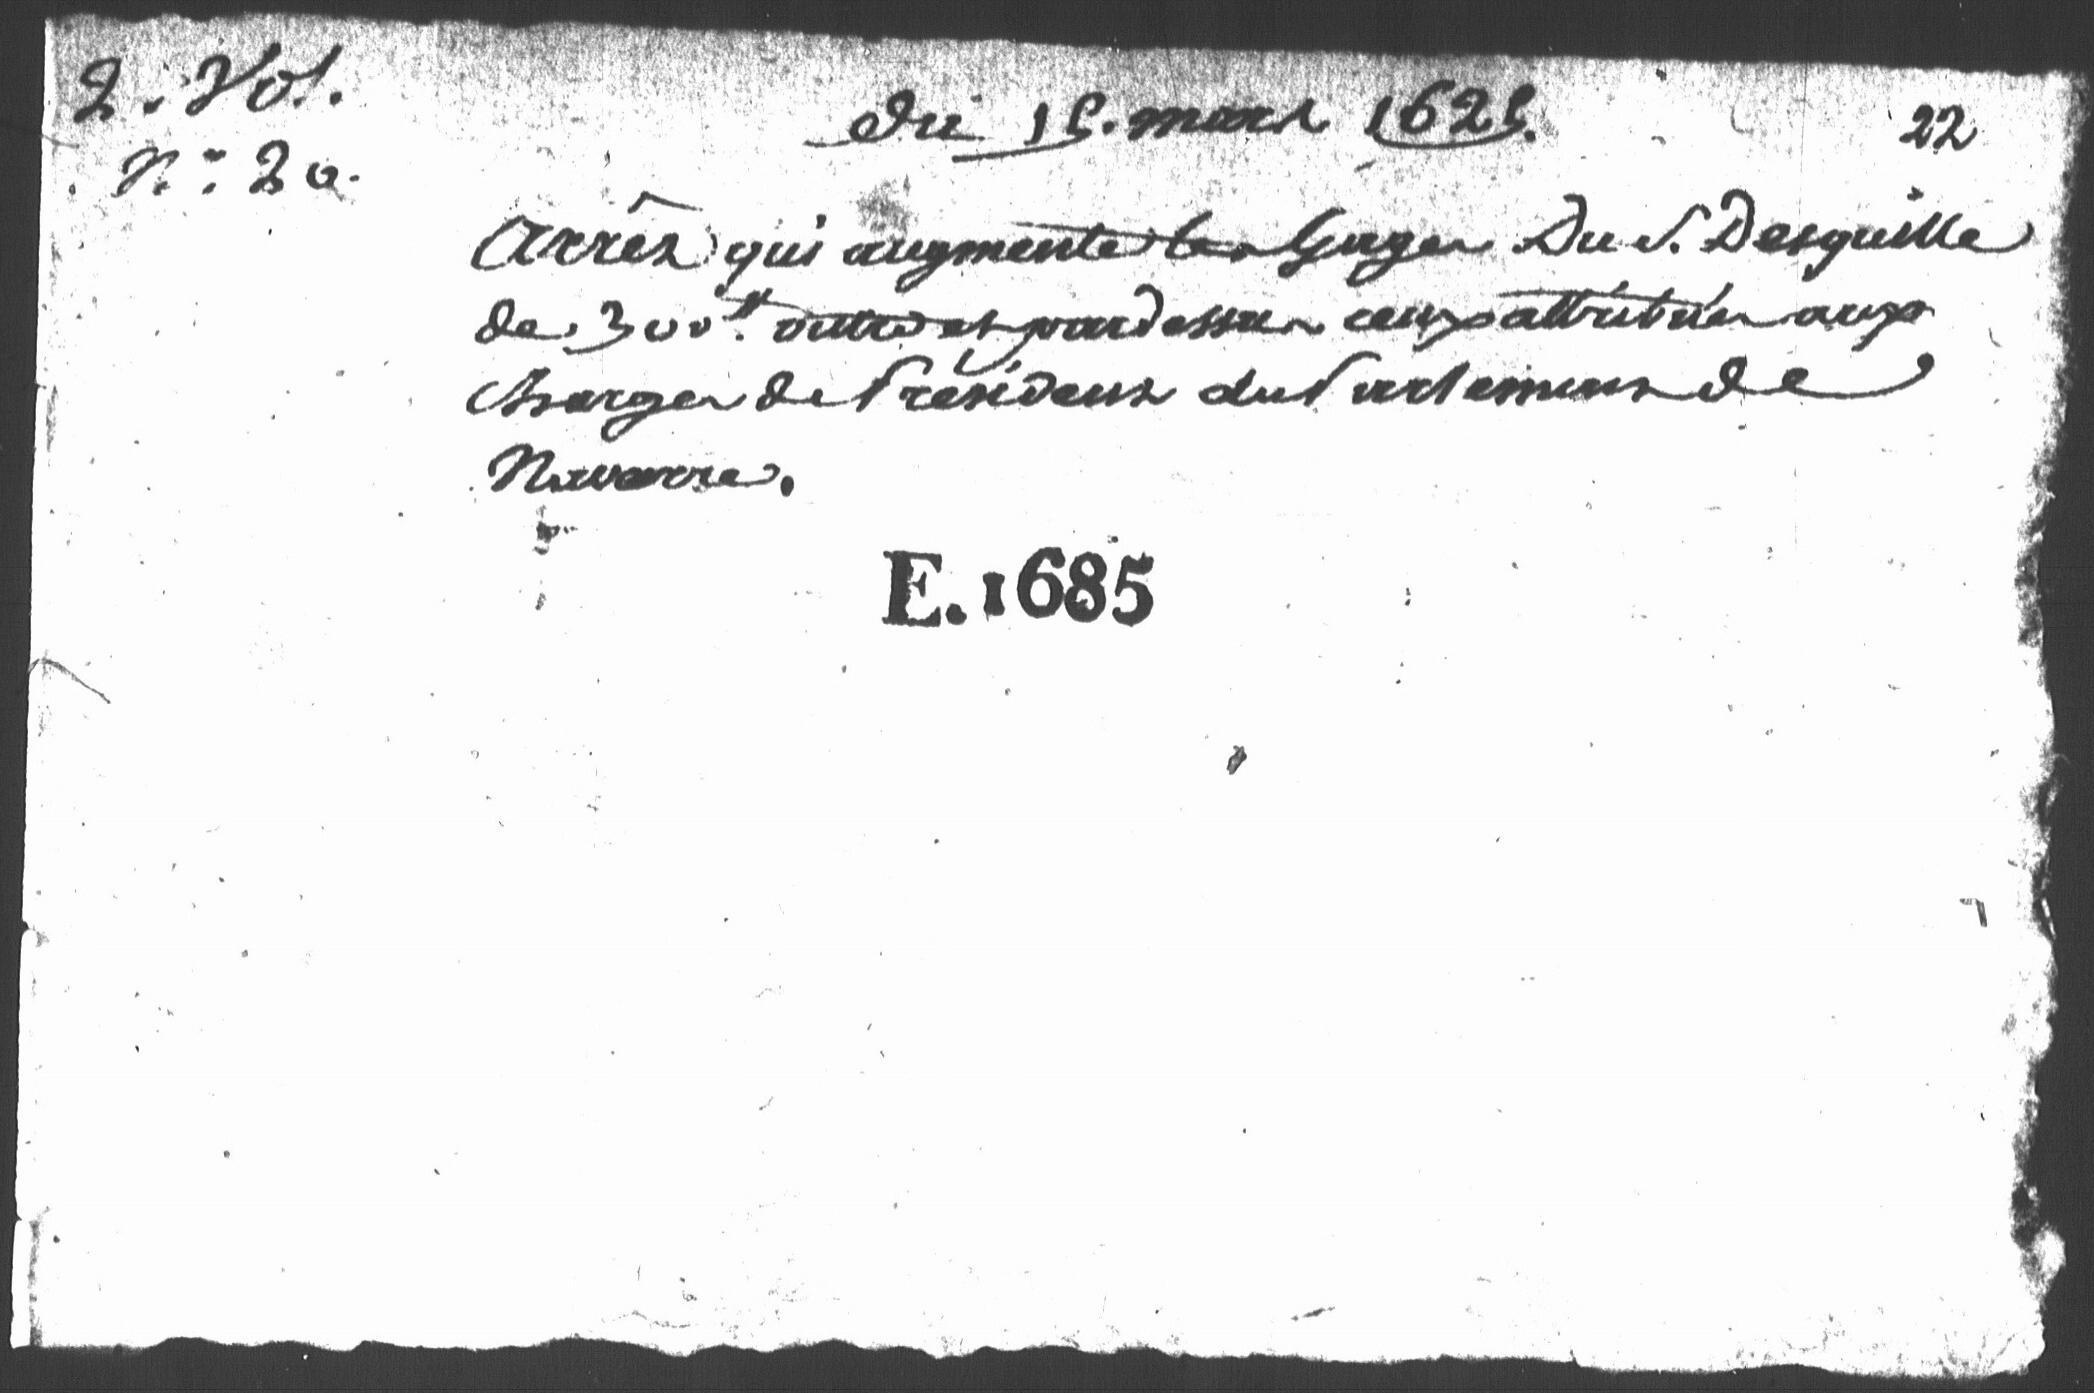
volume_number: n°20
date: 15 mars 1625
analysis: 22
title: Arrêt qui augmente les gages du S. Desquille de 300 # outre et pardessus ceux attribués aux charges de Président du Parlement de Navarre.
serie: E
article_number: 1685
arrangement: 2. vol.
